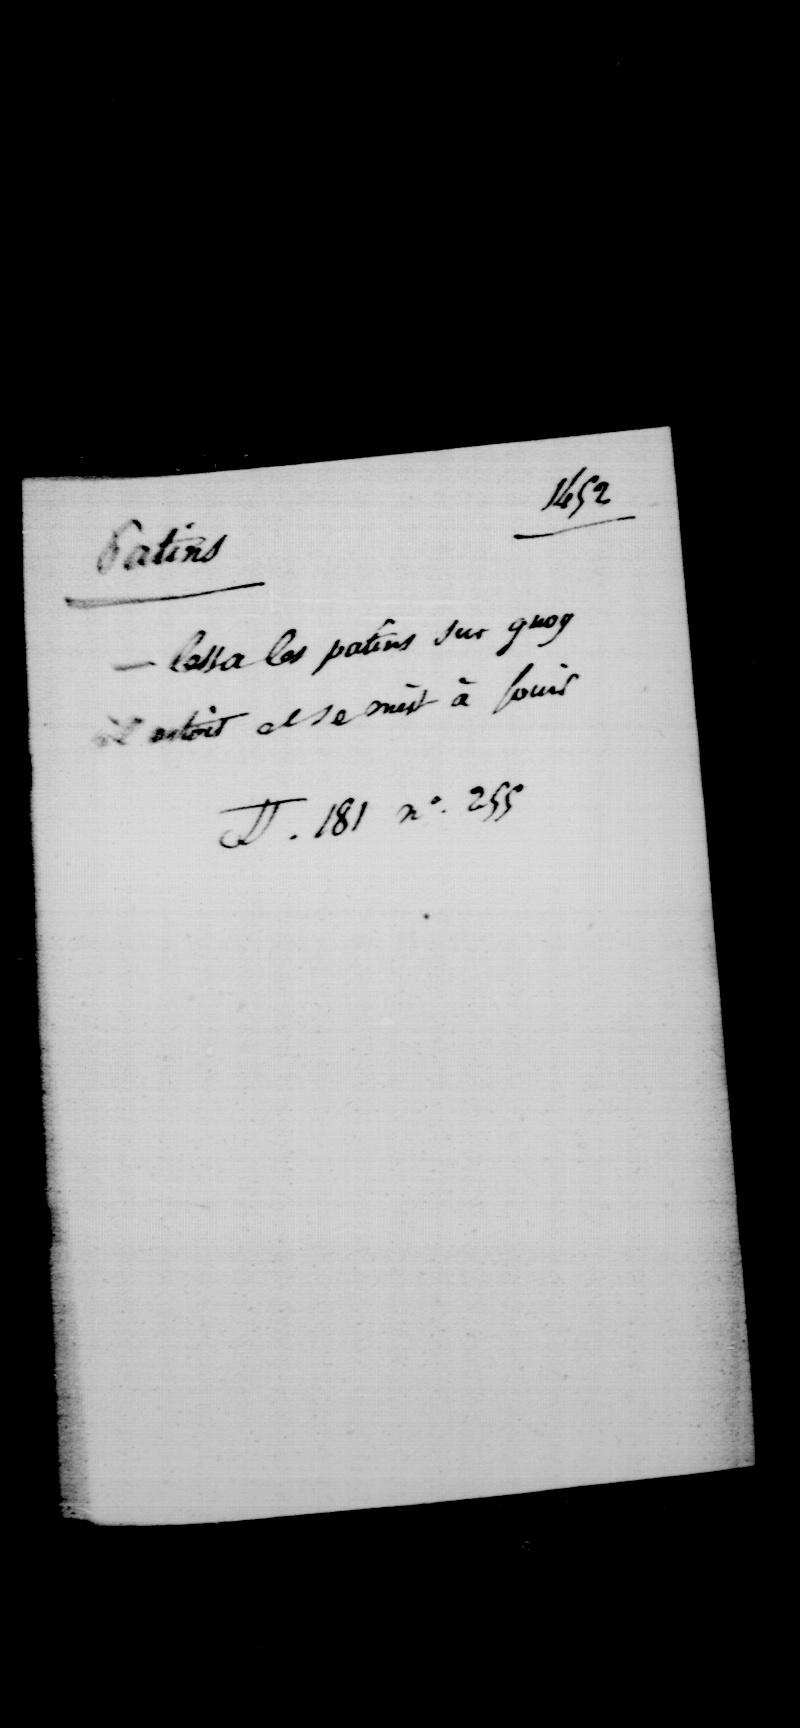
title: Patins
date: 1452
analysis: - lessa les patins sur quoy il estoit et se mist à fouir
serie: JJ
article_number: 181
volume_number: n° 255
